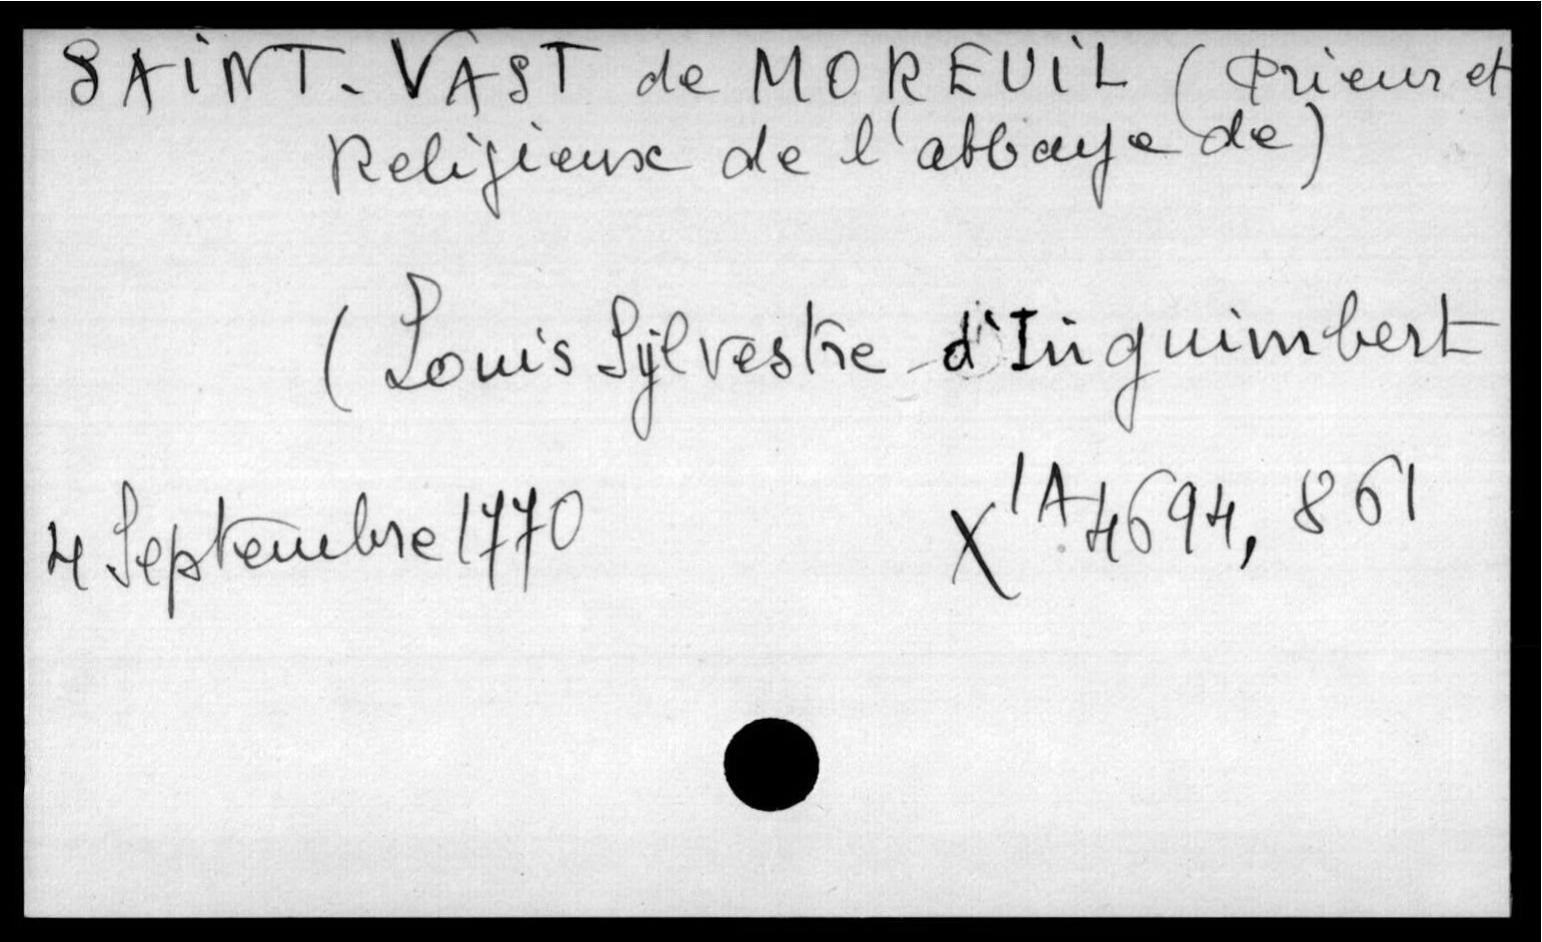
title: SAINT-VAST de MOREUIL (Prieur et Religieux de l'abbaye de)
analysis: Contre Louis Silvestre d'Inguimbert
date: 4 septembre 1770
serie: X1A
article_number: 4694
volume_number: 861
